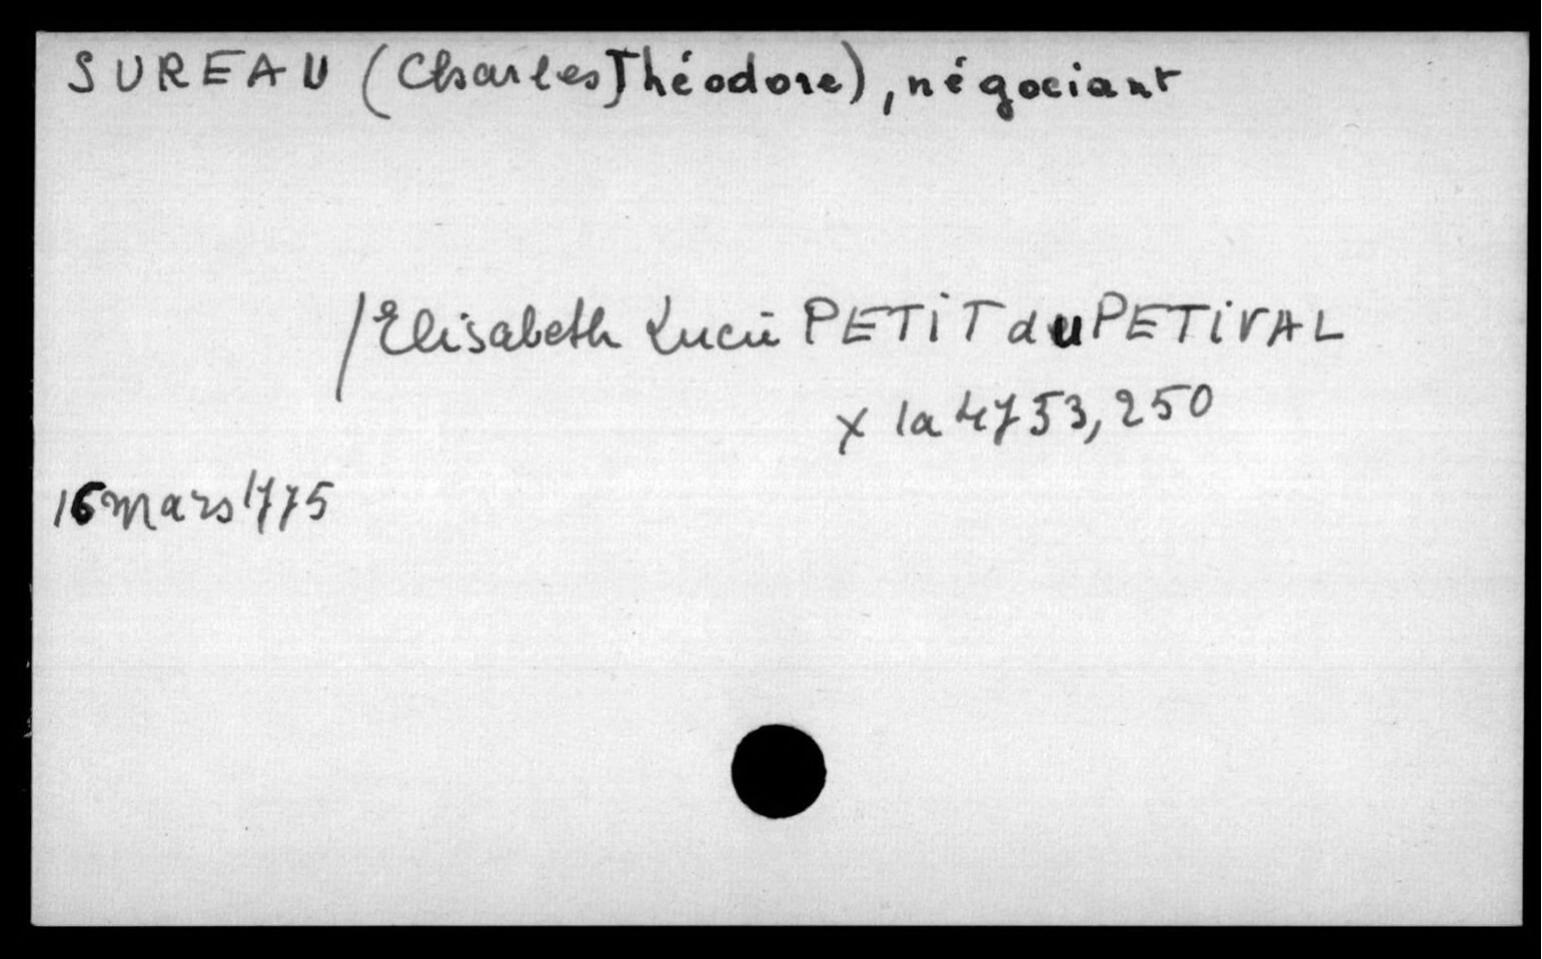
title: SUREAU (Charles Théodore), négociant
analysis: Contre Élisabeth Lucie PETIT du PETIVAL
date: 16 mars 1775
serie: X1a
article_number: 4753
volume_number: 250
